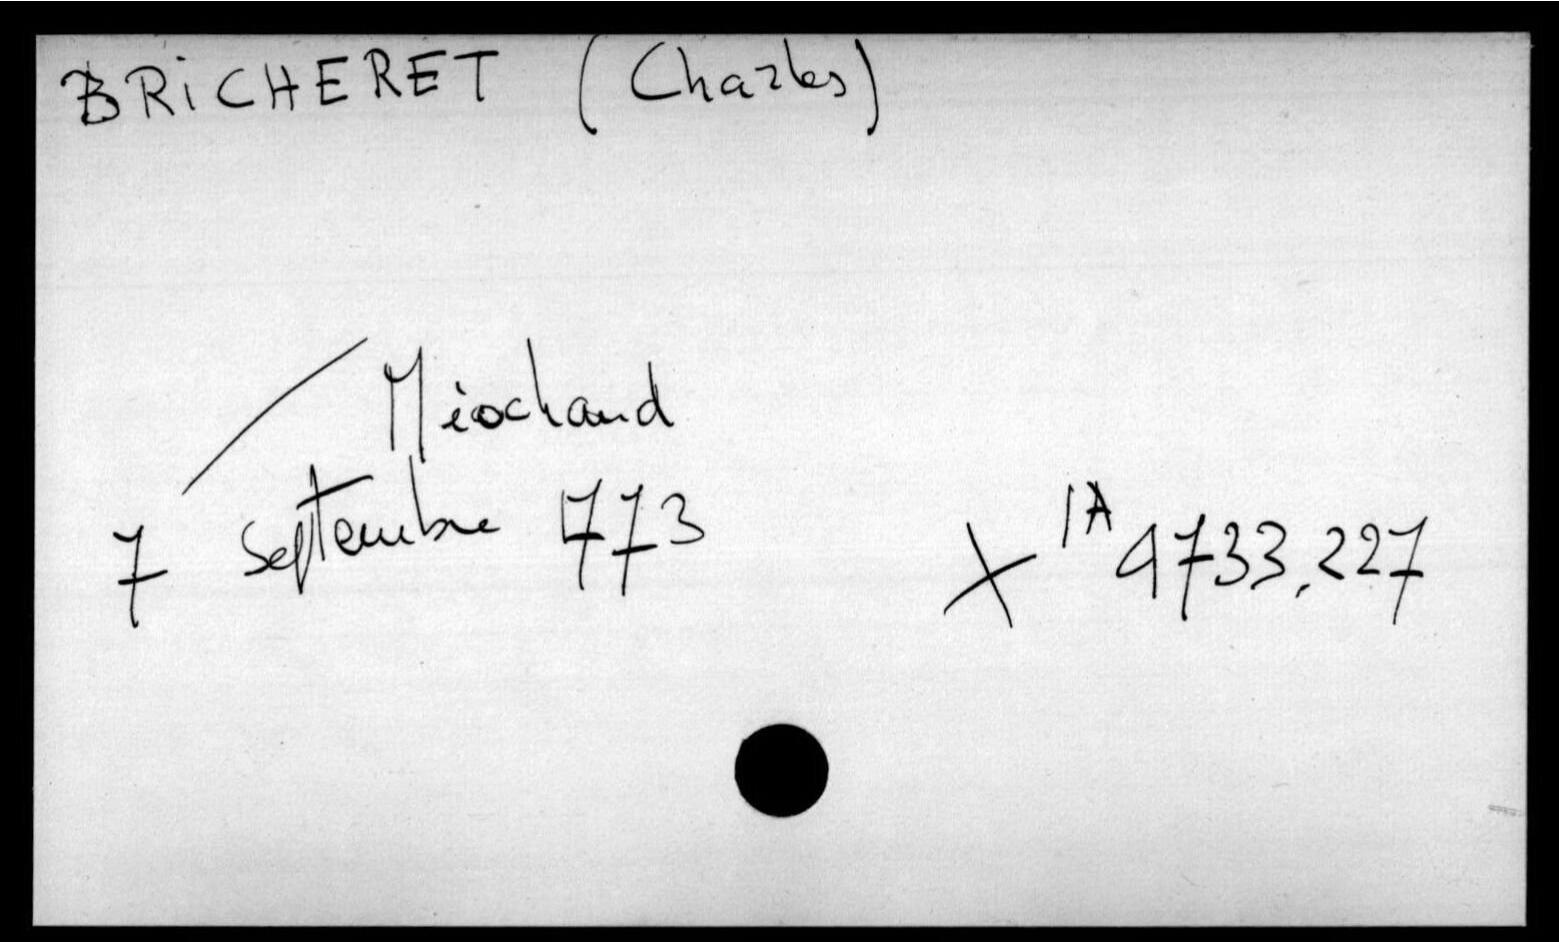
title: BRICHERET (Charles)
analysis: Contre Méochand
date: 7 septembre 1773
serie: X1A
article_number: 4733
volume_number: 227
